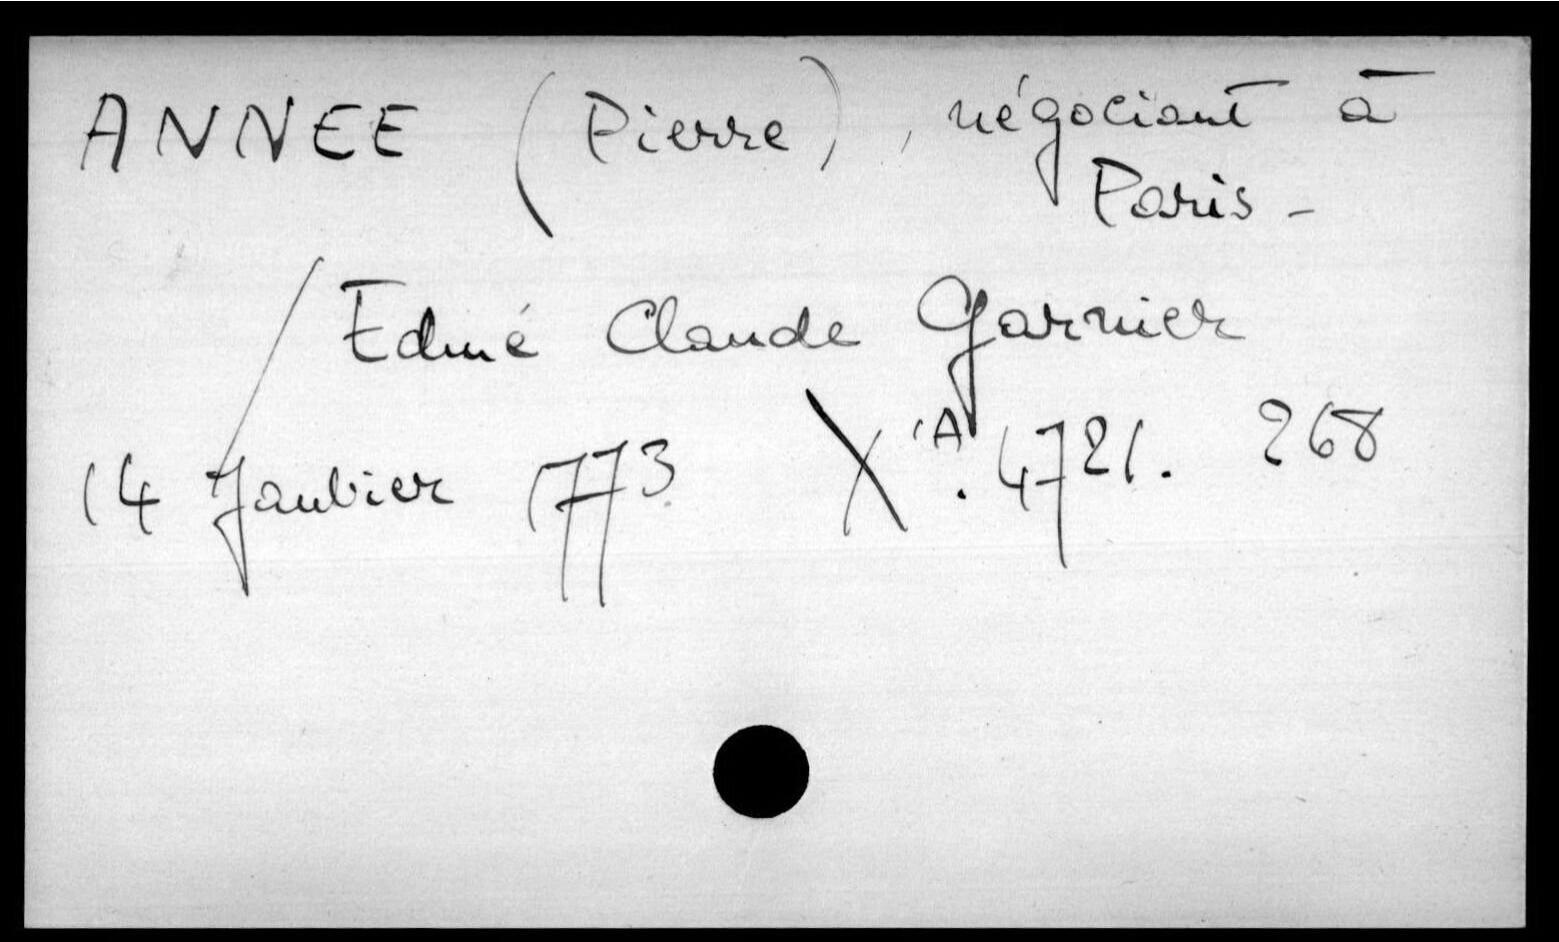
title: ANNEE (Pierre), négociant à Paris.
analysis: Contre Edmé Claude Garnier
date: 14 janvier 1773
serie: X1A
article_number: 4721
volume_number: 268
